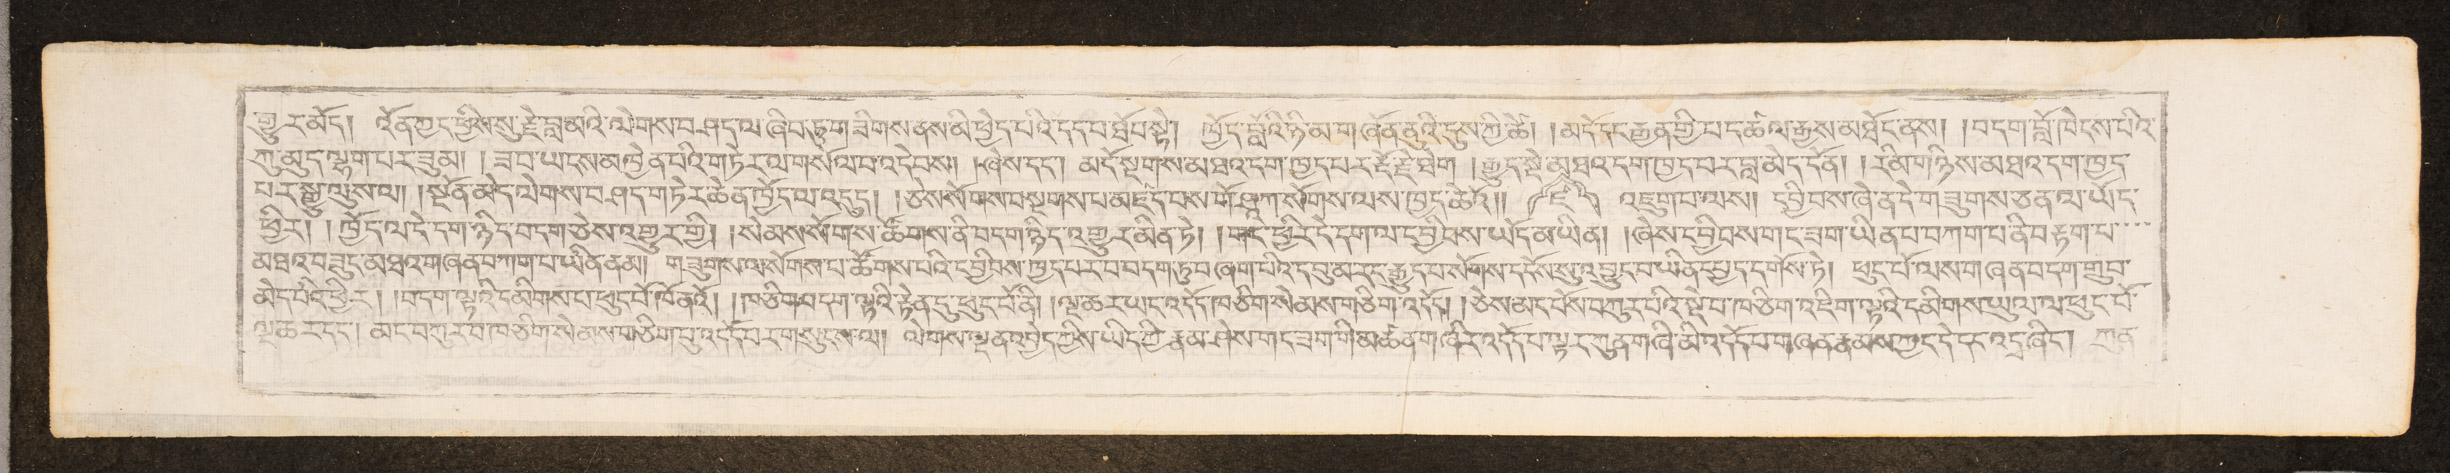གྱུར་མོད། །འོན་ཀྱང་ཕྱིས་སུ་རྗེ་བླ་མའི་ལེགས་བཤད་ལ་ཞིབ་ཏུ་གཟིགས་ནས་མི་ཕྱེད་པའི་དད་པ་ཐོབ་སྟེ། ཁྱོད་བློའི་ཉི་མ་གཞོན་ནུའི་དུས་ཀྱི་ཚེ། །མདོ་དང་རྒྱན་གྱི་པད་ཚལ་རྒྱས་མཐོང་ནས། །བདག་བློ་ཁེངས་པའི་
ཀུ་མུད་ལྷག་པར་ཟུམ། །ཟབ་ཡངས་མཁྱེན་པའི་གཏེར་ལ་གསོལ་བ་འདེབས། །ཞེས་དང་། མདོ་སྔགས་མཐའ་དག་ཁྱད་པར་རྡོ་རྗེ་ཐེག །རྒྱུད་སྡེ་མཐའ་དག་ཁྱད་པར་བླ་མེད་དོན། །རིམ་གཉིས་མཐའ་དག་ཁྱད་
པར་སྒྱུར་ལུས་ལ། །སྔོན་མེད་ལེགས་བཤད་གཏེར་ཆེན་ཁྱོད་ལ་འདུད། །ཅེ་ས་སོགས་བསྔགས་པ་མཛད་པས་གོ་ཤཱ་ཀ་སོགས་ལས་ཁྱད་ཆེའོ།། ༼༽ཛ༼༽ འཇུག་པ་ལས། དབྱིབས་ཞེ་ན་དེ་གཟུགས་ཅན་ལ་ཡོད་
ཕྱིར། །ཁྱོད་ལ་དེ་དག་ཉིད་བདག་ཅེས་འགྱུར་གྱི། །སེམས་སོགས་ཚོགས་ནི་བདག་ཉིད་འགྱུར་མིན་ཏེ། །གང་ཕྱིར་དེ་དག་ལ་དབྱིབས་ཡོད་མ་ཡིན། །ཞེས་དབྱིབས་གང་ཟག་ཡིན་པ་བཀག་པ་ནི་བརྟག་པ་
མཐའ་བཟུང་མཐའ་གཞན་བཀག་པ་ཡིན་ནམ། གཟུགས་ལ་སོགས་པ་ཚོགས་པའི་དབྱིབས་ཁྱད་པར་བ་བདག་ཏུ་བཞག་པའི་དབུ་མ་རང་རྒྱུད་པ་སོགས་དངོས་སུ་འབྱུང་བ་ཡིན་དཔྱད་དགོས་ཏེ། ཕུང་པོ་ལས་གཞན་བདག་གྲུབ་
མེད་པའི་ཕྱིར། །བདག་ལྟའི་དམིགས་པ་ཕུང་པོ་ཁོ་ནའོ། །ཁ་ཅིག་བདག་ལྟའི་རྟེན་དུ་ཕུང་པོ་ནི། །ལྔ་ཆར་ཡང་འདོད་ཁ་ཅིག་སེམས་གཅིག་འདོད། །ཅེས་མང་པོས་བཀུར་པའི་སྡེ་བ་ཁ་ཅིག་འཇིག་ལྟའི་དམིགས་ཡུལ་ལ་ཕུང་པོ་
ལྔ་ཆར་དང་། མང་བཀུར་བ་ཁ་ཅིག་སེམས་གཅིག་པུ་འདོད་པར་གསུངས་ལ། ལེགས་ལྡན་འབྱེད་ཀྱིས་ཡིད་ཀྱི་རྣམ་ཤེས་གང་ཟག་གི་མཚན་གཞིར་འདོད་པ་ལྟར་ཀུན་གཞི་མི་འདོད་པ་གཞན་རྣམས་ཀྱང་དེ་དང་འདྲ་ཞིང་། ཀུན་